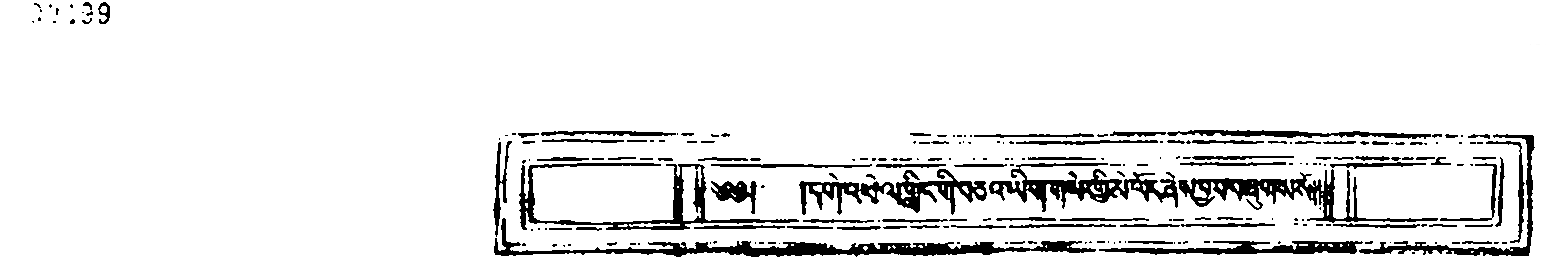༄༅། །དགེ་འཕེལ་གླིང་གི་བཅའ་ཡིག་གསེར་གྱི་མེ་ལོང་ཞེས་བྱ་བ་བཞུགས་སོ།།